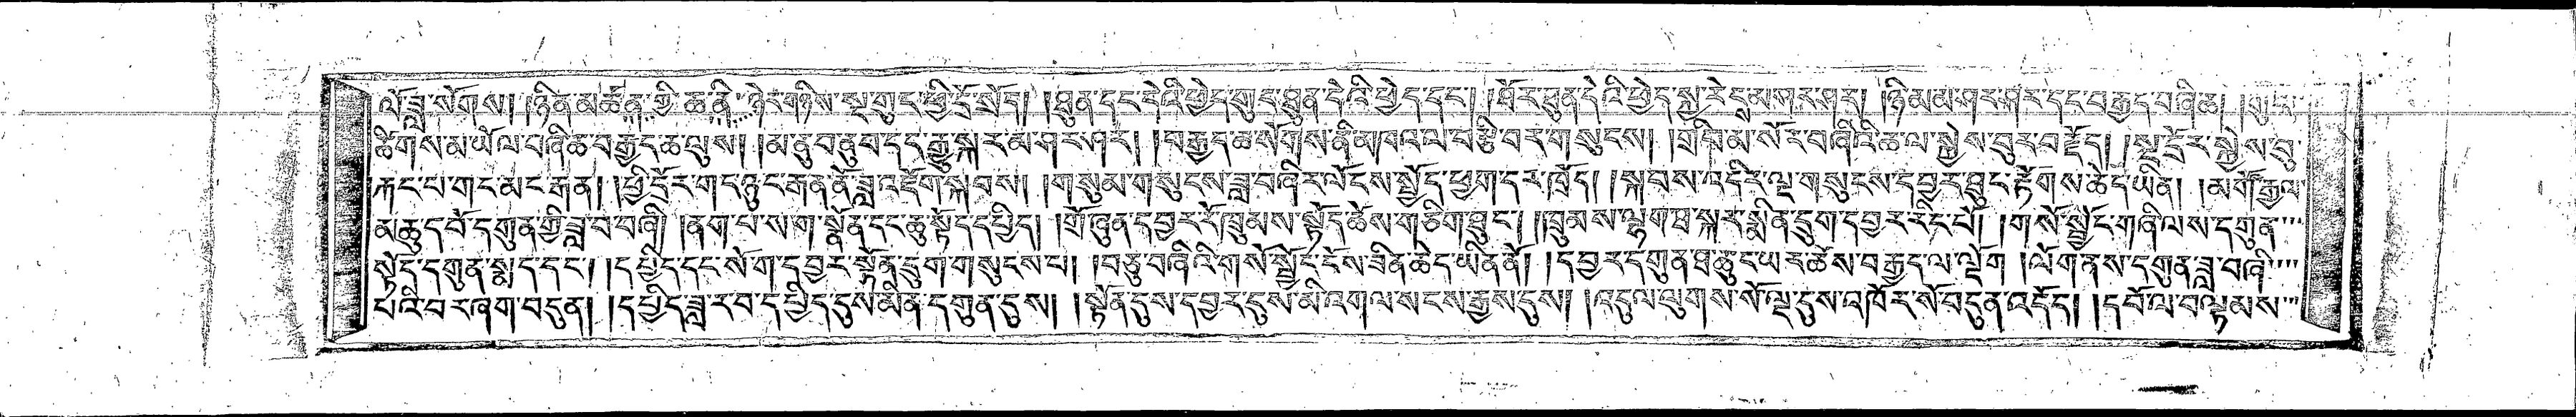ལོ་ཟླ་སོགས། །ཉིན་མཚན་གྱི་ཆ་ནི་ཉེར་གཉིས་སྔ་གུང་ཕྱི་དྲོ་སྲོད། །ཐུན་དང་དེའི་ཕྱེད་གུང་ཐུན་དེའི་ཕྱེད་དང་། །ཐོར་ཐུན་དེའི་ཕྱེད་སྐྱ་རེངས་མ་ཤར་ཤར། །ཉི་མ་མ་ཤར་ཤར་དང་བརྒྱད་བཞི་ཆ། །གུང་
ཚིགས་མ་ཡོལ་བཞི་ཆ་བརྒྱད་ཆ་ལུས། །མ་ནུབ་ནུབ་དང་རྒྱུ་སྐར་མ་ཤར་ཤར། །བརྒྱད་ཆ་སོགས་ནི་མཁའ་ལ་བརྩི་བར་གསུངས། །གྲིབ་མ་སོར་བཞིའི་ཆ་ལ་སྐྱེས་བུར་བརྗོད། །སྔ་དྲོར་སྐྱེས་བུ་
རྐང་པ་གང་མང་རྒན། །ཕྱི་དྲོར་གང་ཉུང་རྒན་ནོ་ཟླ་འཇོག་སྐབས། །གསུམ་གསུངས་ཟླ་བཞིར་ལོངས་སྤྱོད་ཕྱག་དར་ཁྲོད། །སྐབས་འདིར་ལྔ་གསུངས་དབྱར་ཐུང་རྟོགས་ཆེད་ཡིན། །མགོ་རྒྱལ་
མཆུ་དབོ་དགུན་གྱི་ཟླ་བ་བཞི། །ནག་པ་ས་ག་སྣོན་དང་ཆུ་སྟོད་དཔྱིད། །གྲོ་ཞུན་དབྱར་རོ་ཁྲུམས་སྟོད་ཚེས་གཅིག་ཐུང་། །ཁྲུམས་ལྷག་ཐ་སྐར་སྨིན་དྲུག་དབྱར་རིང་པོ། །གསོ་སྦྱོང་གཞི་ལས་དགུན་
སྟོད་དགུན་སྨད་དང་། །དཔྱིད་དང་སོ་ག་དབྱར་སྟོན་དྲུག་གསུངས་པ། །བཅུ་བཞིའི་གསོ་སྦྱོང་ངོས་ཟིན་ཆེད་ཡིན་ནོ། །དབྱར་དགུན་ཐ་ཆུང་ཡར་ཚེས་བརྒྱད་ལ་ལྡོག །ལོག་ནས་དགུན་ཟླ་བཞི་
པའི་བར་ཞག་བདུན། །དཔྱིད་ཟླ་ར་བ་དཔྱིད་དུས་མིན་དགུན་དུས། །སྟོན་དུས་དབྱར་དུས་མི་འགལ་སངས་རྒྱས་དུས། །འདུལ་ལུགས་སོ་ལྔ་དུས་འཁོར་སོ་བདུན་འདོད། །དབོ་ལ་བལྟམས་